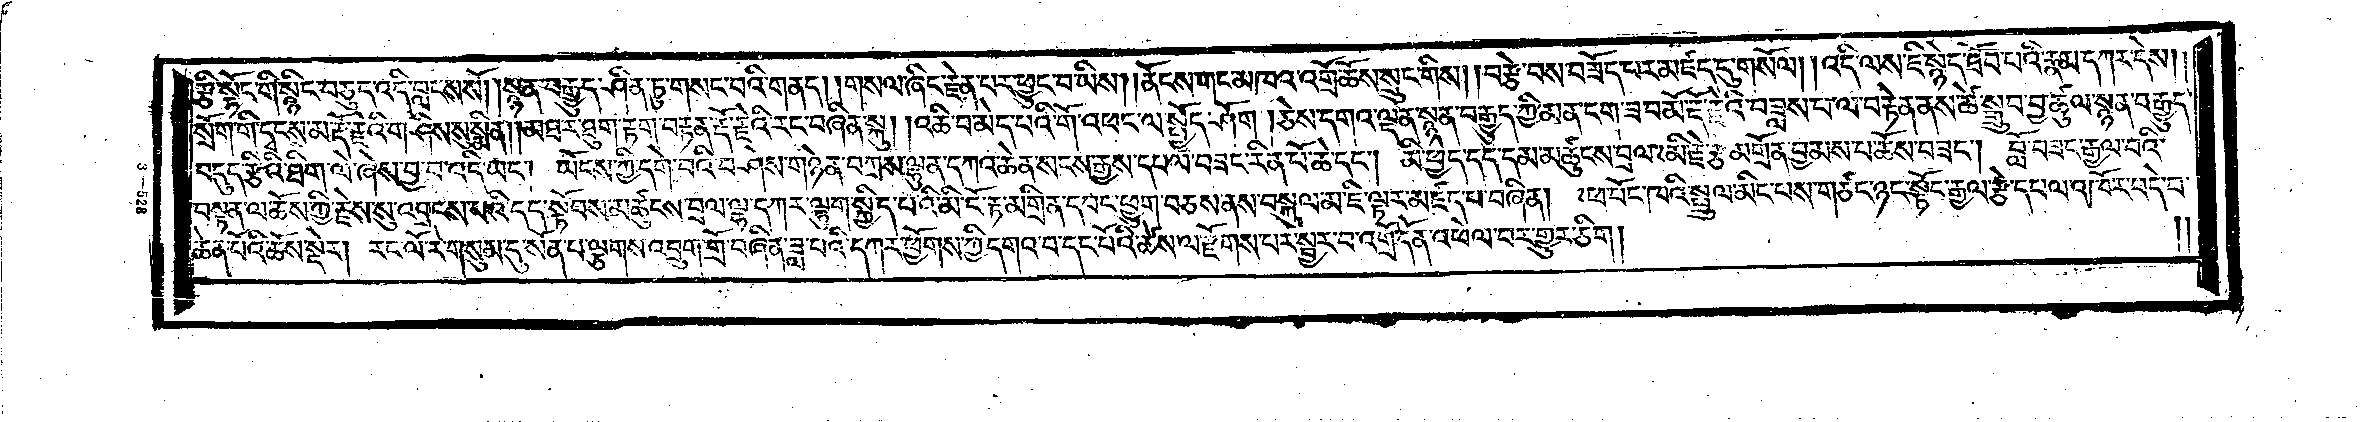རྩི་སྟོང་གི་སྙིང་བཅུད་འདི་བླངས་སོ། །སྙན་བརྒྱུད་ཤིན་ཏུ་གསང་བའི་གནད། །གསལ་ཞིང་རྗེན་པར་ཕྱུང་བ་ཡིས། །ནོངས་གང་མཁའ་འགྲོ་ཆོས་སྲུང་གིས། །བརྩེ་བས་བཟོད་པར་མཛད་དུ་གསོལ། །འདི་ལས་ཇི་སྙེད་ཐོབ་པའི་རྣམ་དཀར་དེས། །
སྲོག་གི་དྭངས་མ་རྡོ་རྗེའི་གཤིས་སུ་སྨིན། །མཐར་ཐུག་རྟག་བརྟན་རྡོ་རྗེའི་རང་བཞིན་སྐུ། །འཆི་བ་མེད་པའི་གོ་འཕང་ལ་སྤྱོད་ཤོག །ཅེས་དགའ་ལྡན་སྙན་བརྒྱུད་ཀྱི་མན་ངག་ཟབ་མོ་རྡོ་རྗེའི་བཟླས་པ་ལ་བརྟེན་ནས་ཚེ་སྒྲུབ་བྱ་ཚུལ་སྙན་བརྒྱུད་
བདུད་རྩིའི་ཐིག་ལེ་ཞེས་བྱ་བ་འདི་ཡང་། ཡོངས་ཀྱི་དགེ་བའི་བཤེས་གཉེན་བཀྲས་ལྷུན་དཀའ་ཆེན་སངས་རྒྱས་དཔལ་བཟང་རིན་པོ་ཆེ་དང་། མི་ཕྱེད་དད་དམ་མཚུངས་བྲལ་མི་རྗེ་རྩ་མགྲོན་བྱམས་པ་ཆོས་བཟང་། བློ་བཟང་རྒྱལ་བའི་
བསྟན་ལ་ཆོས་ཀྱི་རྗེས་སུ་འབྲངས་པའི་དད་སྟོབས་མཚུངས་བྲལ་ལྷ་དཀར་ལྷུག་སྐྱིད་པའི་མི་ངོ་རྟ་མགྲིན་དབང་ཕྱུག་བཅས་ནས་བསྐུལ་མ་ཇི་ལྟར་མཛད་པ་བཞིན། ༧ཕ་བོང་ཁའི་སྤྲུལ་མིང་པས་གཙང་ཉང་སྟོང་རྒྱལ་རྩེ་དཔལ་འཁོར་བདེ་བ་
ཆེན་པོའི་ཆོས་སྡེར། རང་ལོ་རེ་གསུམ་དུ་སོན་པ་ལྕགས་འབྲུག་གྲོ་བཞིན་ཟླ་བའི་དཀར་ཕྱོགས་ཀྱི་དགའ་བ་དང་པོའི་ཚེས་ལ་རྫོགས་པར་སྦྱར་བ་འགྲོ་དོན་འཕེལ་བར་གྱུར་ཅིག། །།